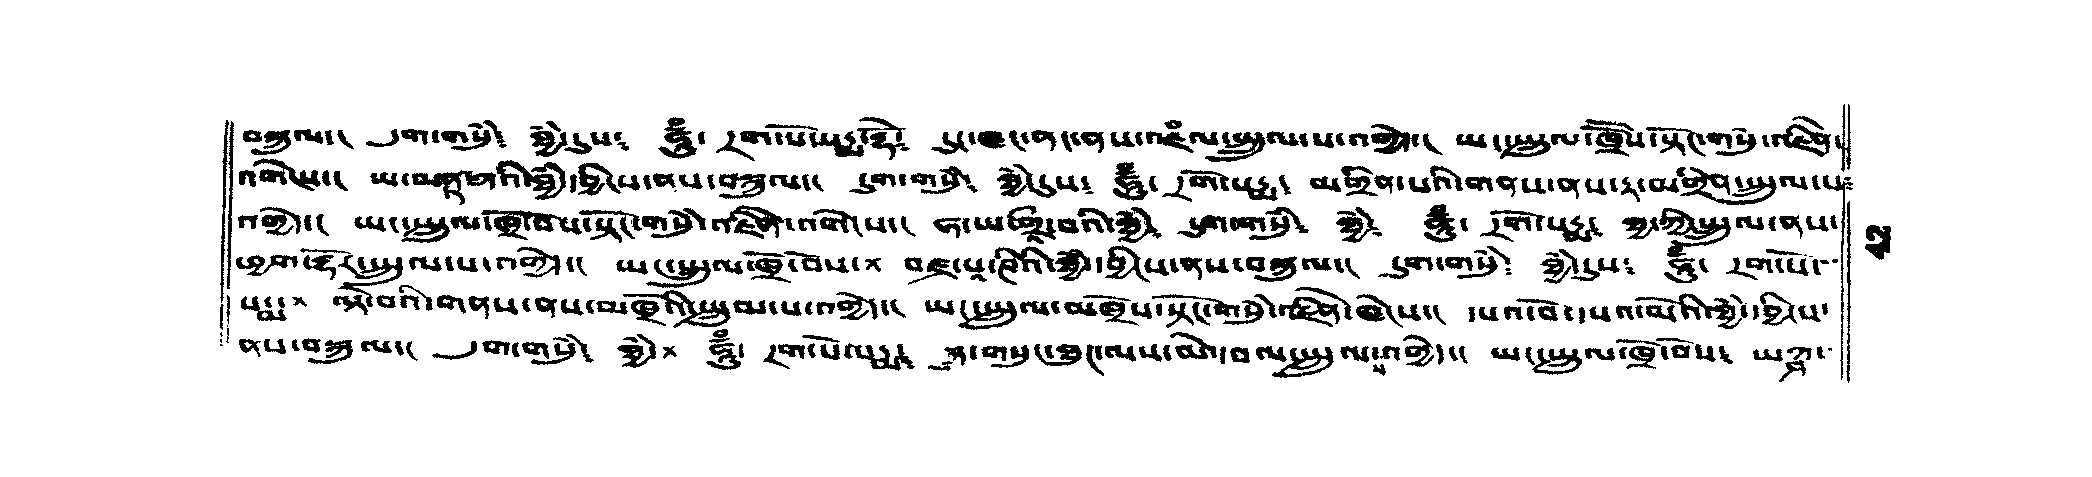བསྐུལ། ། དུག་གསུམ་༴ དུག་གསུམ་༴ ཐུགས་དམ་དུས་༴ ཧཱུྃ། དྲག་པོ་པདྨ་རྡོ་རྗེ་༴ དུང་ཁང་ནང་ནས་འཇམ་དཔལ་སྤྲུལ་པ་འགྱཻད། །ཡང་སྤྲུལ་ཁྲོ་བོས་སྟོང་གསུམ་འཇིག་རྟེན་
འགེངས། །ཡ་མནྟ་ཀའི་ཐུགས་དབྱིངས་ནས་བསྐུལ། །དུག་གསུམ་༴ ཐུགས་དམ་དུས་༴ ཧཱུྃ། དྲག་པོ་པདྨ་༴ མགྲིན་པའི་གནས་ནས་རྟ་མགྲིན་སྤྲུལ་པ་
འགྱེད། །ཡང་སྤྲུལ་ཁྲོ་བོས་སྟོང་གསུམ་འཇིག་རྟེན་འགེངས། །ཧ་ཡ་གྲཱྀ་བའི་ཐུགས་དམ་༴དུག་གསུམ་༴ ཐུགས་༴ ཧཱུྃ། དྲག་པོ་པདྨ་༴ ཐུགས་ཀྱི་སྤྲུལ་ནས་
ཕྱག་རྡོར་སྤྲུལ་པ་འགྱེད། །ཡང་སྤྲུལ་ཁྲོ་བོས་༴ བཛྲ་པཱ་ཎིའི་ཐུགས་དམ་དབྱིངས་ནས་བསྐུལ། །དུག་གསུམ་༴ ཐུགས་དམ་དུས་༴ ཧཱུྃ། དྲག་པོ་
པདྨ་༴ ལྟེ་བའི་གནས་ནས་མཁའ་འགྲོའི་སྤྲུལ་པ་འགྱེད། །ཡང་སྤྲུལ་མཁའ་འགྲོས་སྟོང་གསུམ་འཇིག་རྟེན་ཁེངས། །དཔའ་བོ་དཔའ་མོའི་ཐུགས་དམ་དབྱིངས་
ནས་བསྐུལ། །དུག་གསུམ་༴ ཐུགས་༴ ཧཱུྃ། དྲག་པོ་པདྨ་༴ སྐུ་གསུང་ཐུགས་ལས་མེ་དབལ་སྤྲུལ་པ་འགྱེད། །ཡང་སྤྲུལ་ཁྲོ་བོས་༴ ཡཀྴ་